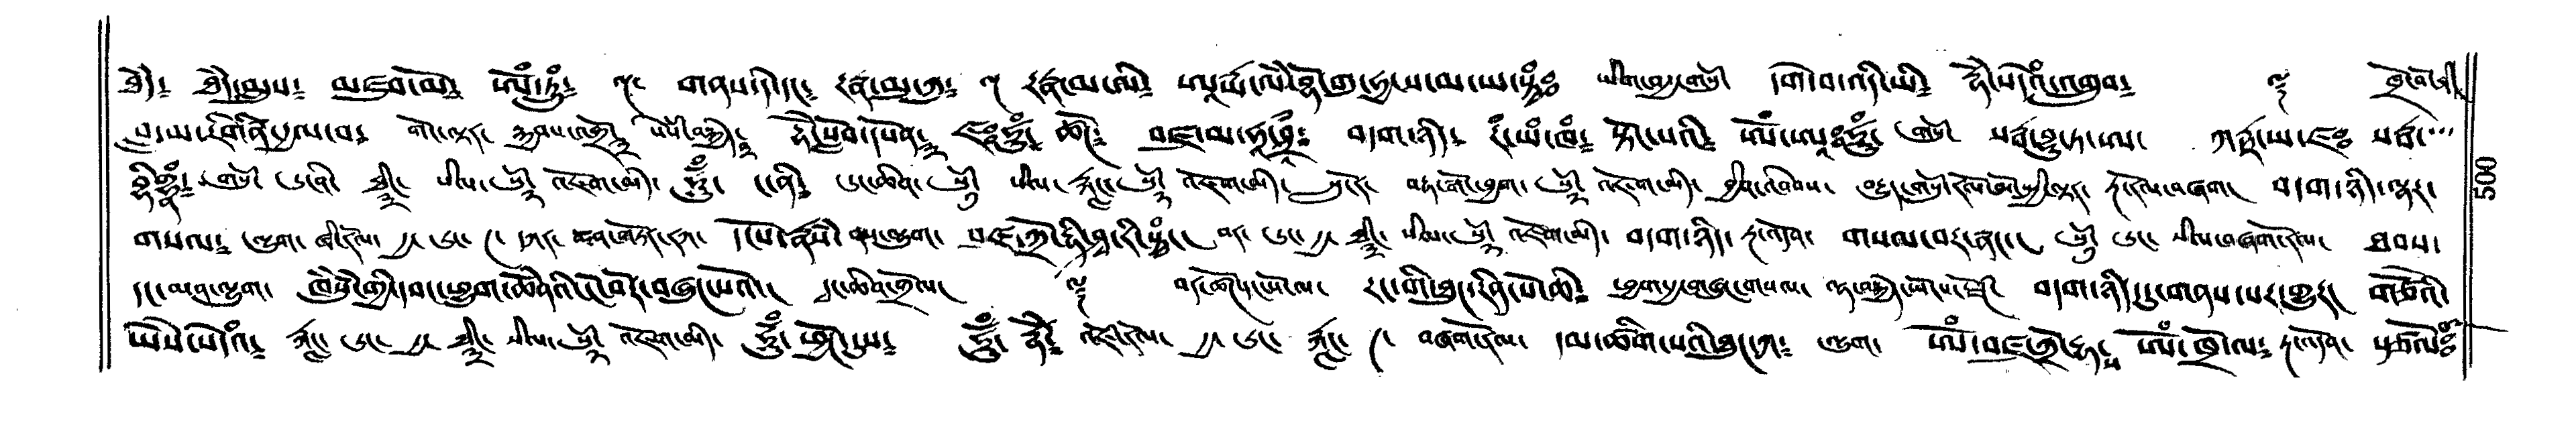ཐམས་ཅད༴ ཐམས་ཅད་མ་ལུས༴ ཨོཾ་ཏྲུཾ༴ ལྔ། གནས་དེ་དང༴ རཏྣ་མུ་ཀུ༴ ལྔ། རཏྣ་མ་ལེ༴ ཨཱརྻ་ལམ་བྷོ་གུ་ཧྱ་ས་མ་ཡ་སྟྭཾ། ཡིག་བརྒྱ་གསུམ། དགེ་བ་འདི་ཡི༴ རྡོ་རྗེ་སེམས་དཔའ་འགྲུབ༴ ༈ ཁྲོ་བོ་ནི། 
བླ་མ་རིག་འཛིན་རྒྱལ་བ༴ གོང་ལྟར་སྐྱབས་འགྲོ་གསུམ། སེམས་བསྐྱེད་གསུམ། རྡོ་རྗེ་སློབ་དཔོན༴ གསུམ། ཛཿཧཱུྃ༴ ཚོགས༴ བཛྲ་མ་ཧཱ་ཤྲཱྀ༴ བདག་ཉིད༴ རྃ་ཡྃ་ཁྃ། སྟོང་པའི༴ ཨོཾ་ཨཱཿཧཱུྃ། གསུམ། སརྦ་བྷུ་ཏ་ཨ་ཀརྵ་ཡ་ཛཿ སརྦ་
བྷིགྷྣཾ༴ གསུམ། དུང་། ཐིང་གསུམ། སིལ། སུམ་གཉིས། འཇོག་མེད། ཧཱུྃ། ང་ནི༴ དུང་ཆེན། སུམ་གཅིག སིལ། རྐང་བཞི། སུམ་གཉིས། འཇོག་མེད། སྲུ་འཁོར། བརྡ་སྒོ་ཕྱག སུམ་གཉིས། འཇོག་མེད། བྱིན་འབེབས། བརྒྱུད་གསུམ་རོལ་མོ་སྤྱི་ལྟར། རྔ་རོལ་གཞག བདག་ཉིད་ལྷར་
གསལ༴ ལྷུག ཞི་རོལ། རྒྱ། དུང་། ཌཱ། དཀར། སྨན་གཏོར་རཀ དངོས་རྣམས༴ ནས་ལྷུག བཛྲ་ཀྲོ་དྷི་ཤྭ་རི་སྟྭཾ། བར། དུང་། རྒྱ། ཐིང་གསུམ། སིལ། སུམ་གཉིས། འཇོག་མེད། བདག་ཉིད༴ རྔ་འདོན། གསལ་བར་སྣང་། སུམ་གཅིག དུང་། སིལ། བཞག་རོལ། ཐབས་
དང༴ མན་ལྷུག ཁམས་གསུམ་གྱི་དབང་ཕྱུག་ཆེན་པོའི་ངོ་བོར་བཞུགས་པའོ། དྭངས་ཆེན་གྲོལ།། ༈ བར་ཚོགས་དང་པོ་ལ། རང་གི་ཐུགས་རིན་པོ་ཆེ༴ ཕྱག་རྒྱ་གཞུང་གསལ། ལྷ་སྐྱེད་ཡོངས་རྫོགས། བདག་ཉིད་དུ་གནས་པར་གྱུར། གཙོ་བོའི་
ཡེ་ཤེས་སེམས་དཔའ༴ རྐང་བཞི།དུང་། རྒྱ། ཐིང་གསུམ། སིལ། སུམ་གཉིས། འཇོག་མེད། ཧཱུྃ། ཕྱོགས་དུས༴ ཧཱུྃ། རྡོ་རྗེ༴ འཇམ་རོལ། རྒྱ། དུང་། རྐང་བཞི། ཌཱ། བཞག་རོལ། དམ་ཚིག་པའི་ཐུགས་ཀ༴ ལྷུག ཨོཾ་བཛྲ་ཀྲོ་དྷ༴ ཨོཾ༔ཁྲོ་བོ་ལ༴ རྔ་འདོན། སྩོལ༔